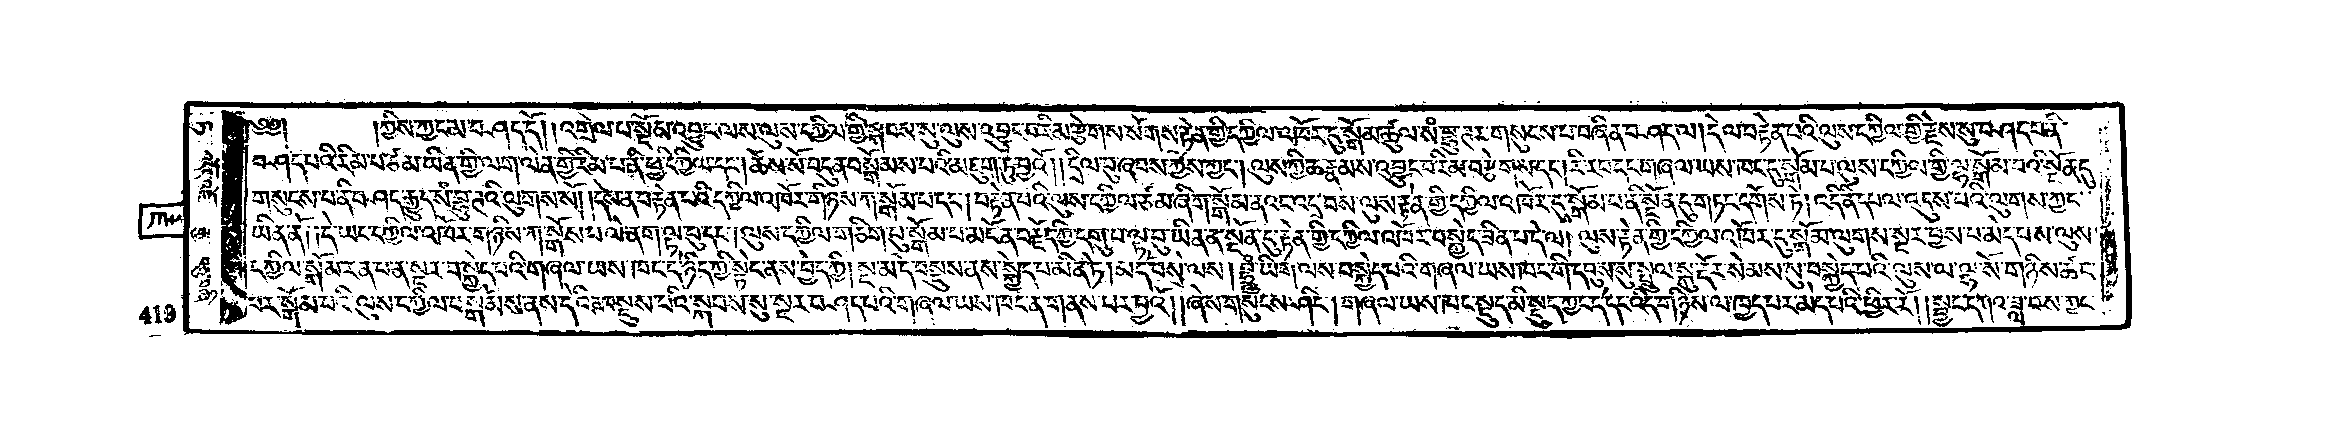༄༅། །ཀྱིས་ཀྱང་མ་བཤད་དོ། །འགྲེལ་པ་སྡོམ་འབྱུང་ལས་ལུས་དཀྱིལ་གྱི་སྐབས་སུ་ལུས་འབྱུང་བ་རིམ་རྩེགས་སོགས་རྟེན་གྱི་དཀྱིལ་འཁོར་དུ་སྒོམ་ཚུལ་སཾ་བྷུ་ཊར་གསུངས་པ་བཞིན་བཤད་ལ། དེ་ལ་བརྟེན་པའི་ལུས་དཀྱིལ་གྱི་རྗེས་སུ་བཤད་པ་ནི་
བཤད་པའི་རིམ་པ་ཙམ་ཡིན་གྱི་ལག་ལེན་གྱི་རིམ་པ་ནི་ཕྱི་དཀྱིལ་དང་། ཆོས་སོ་བདུན་བསྒོམས་པའི་མཇུག་ཏུ་བྱའོ། །དྲིལ་བུ་ཞབས་ཀྱིས་ཀྱང་། ལུས་ཀྱི་ཆ་རྣམས་འབྱུང་བ་རིམ་བརྩེགས་དང་། རི་རབ་དང་གཞལ་ཡས་ཁང་དུ་སྒོམ་པ་ལུས་དཀྱིལ་གྱི་ལྷ་སྒོམ་པའི་སྔོན་དུ་
གསུངས་པ་ནི་བཤད་རྒྱུད་སཾ་བྷུ་ཊའི་ལུགས་སོ། །དེས་ན་བརྟེན་པའི་དཀྱིལ་འཁོར་གཉིས་ཀ་སྒོམ་པ་དང་། བརྟེན་པའི་ལུས་དཀྱིལ་ཙམ་ཞིག་སྒོམ་ནའང་འདྲ་བས་ལུས་རྟེན་གྱི་དཀྱིལ་འཁོར་དུ་སྒོམ་པ་ནི་སྔོན་དུ་གཏང་དགོས་ཏེ། འདི་ནི་དཔལ་འདུས་པའི་ལུགས་ཀྱང་
ཡིན་ནོ། །དེ་ཡང་དཀྱིལ་འཁོར་གཉིས་ཀ་སྒོམ་པ་ལེ་ནག་ལྟ་བུ་དང་། ལུས་དཀྱིལ་གཅིག་པུ་སྒོམ་པ་མངོན་བརྗོད་ཀྱི་དགུ་པ་ལྟ་བུ་ཡིན་ན་སྔོན་དུ་རྟེན་གྱི་དཀྱིལ་འཁོར་བསྐྱེད་ཟིན་པ་དེ་ལ། ལུས་རྟེན་གྱི་དཀྱིལ་འཁོར་དུ་སྒོམ་ལུགས་སྔར་བྱས་པ་མེད་པས་ལུས་
དཀྱིལ་སྒོམ་རན་པ་ན་སྔར་བསྐྱེད་པའི་གཞལ་ཡས་ཁང་དེ་ཉིད་ཀྱི་སྟེང་ནས་བྱེད་ཀྱི། སྔ་མ་དེ་བསྡུས་ནས་སྐྱེད་པ་མིན་ཏེ། མདོ་བསྲེ་ལས། བྷྲཱུཾ་ཡིག་ལས་བསྐྱེད་པའི་གཞལ་ཡས་ཁང་གི་དབུས་སུ་སྤྲུལ་སྐུ་རྡོར་སེམས་སུ་བསྐྱེད་པའི་ལུས་ལ་ལྷ་སོ་གཉིས་ཚང་
པར་སྒོམ་པའི་ལུས་དཀྱིལ་བསྒོམས་ནས་དེའི་མ་བསྡུས་པའི་སྐབས་སུ་སྔར་བཤད་པའི་གཞལ་ཡས་ཁང་ན་གནས་པར་བྱའོ། །ཞེས་གསུངས་ཤིང་། གཞལ་ཡས་ཁང་སྡུད་མི་སྡུད་ཀྱང་དེ་དང་འདི་གཉིས་ལ་ཁྱད་པར་མེད་པའི་ཕྱིར་རོ། །སྦྱང་དཀའ་ཟླ་བས་ཀྱང་